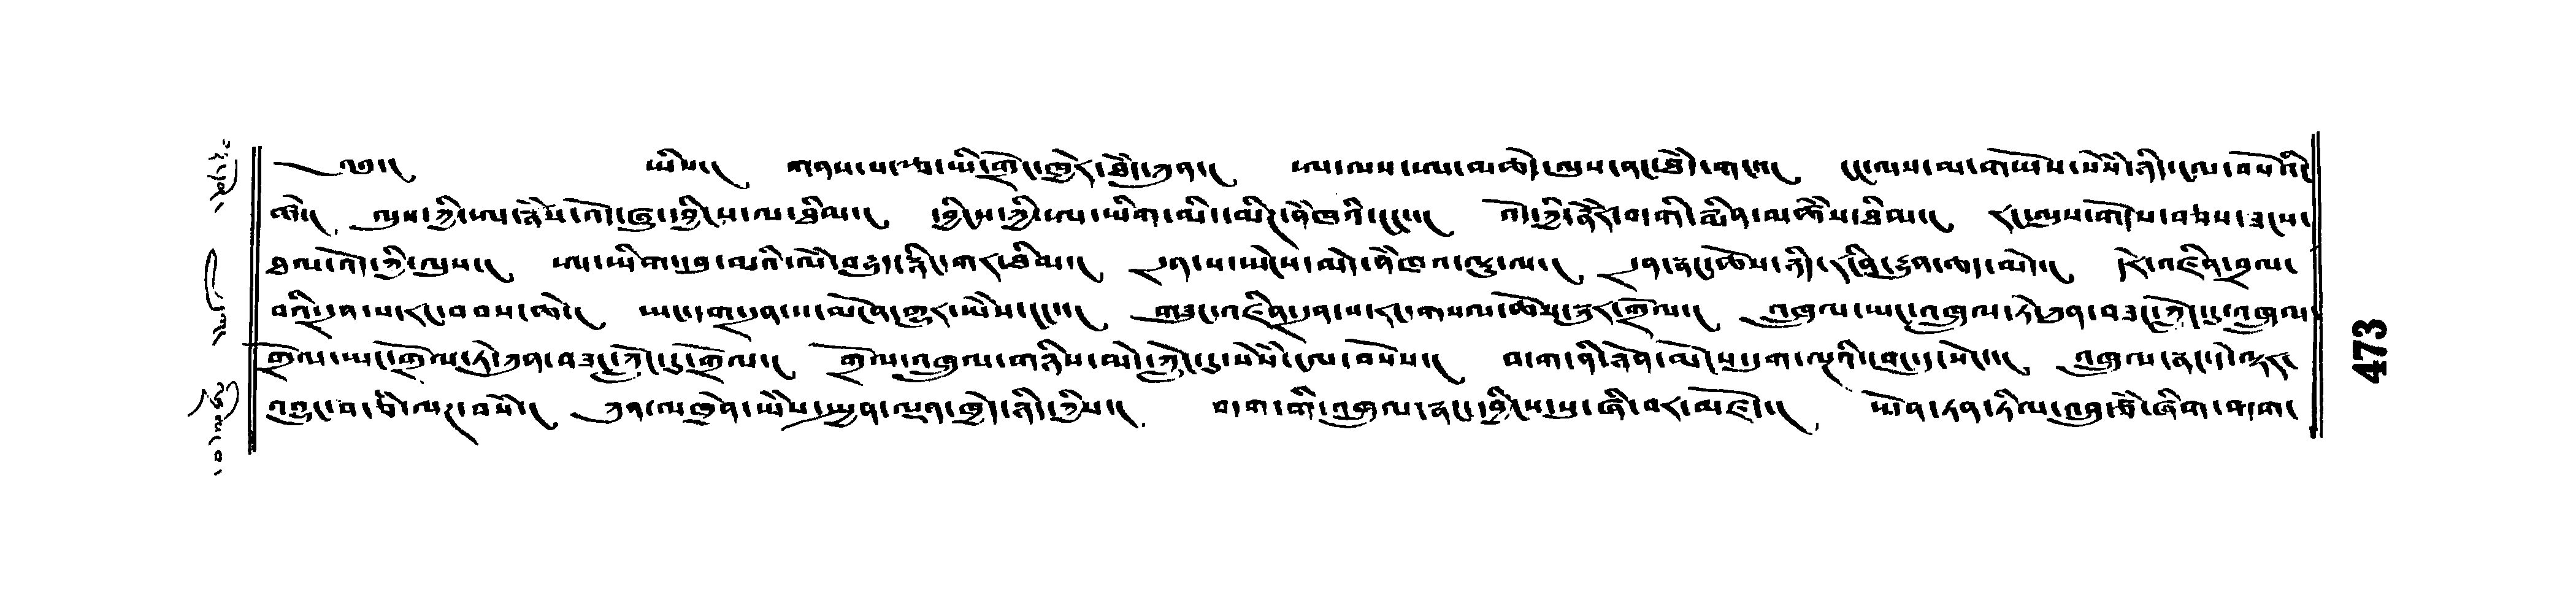ཡིས། །གནས་པ་རྩ་ཡི་གྲོང་ཁྱེར་ཐམས་ཅད་ཀུན། །ཨ་ལས་ཨ་མཆེད་ལུས་ནང་ཐམས་ཅད་གང་། །ངང་ལས་མ་གཡོས་སེམས་ཉིད་ངལ་བསོའི་
ཚེ། །ལུས་ཀྱི་ཨ་རྣམས་འོད་ཞུ་དབྱིངས་ལ་ཐིམ། །དབྱིངས་ཀྱི་ཨ་ཡིག་མི་དམིགས་ནམ་མཁའི་ངང་། །འོད་ཀྱི་རྣམ་པར་དག་གི་སྨིན་མཚམས་ཐིམ། །རང་ལུས་གདོས་བཅས་ཟང་
ཐལ་འོད་ཀྱི་ལུས། །ཨ་ཡིག་དབུ་མའི་ལམ་བརྒྱུད་སྙིང་གར་ཐིམ། །དྲན་པ་ཡེངས་མེད་ནམ་མཁའ་ལྟ་བུ་ལ། །དྲན་སྣང་ཆོས་ཉིད་རང་བཞིན་རྒྱུན་ཆད་མེད། །དེར་འཛིན་བྲལ་
བའི་དྲན་པ་རང་བབས་ཆེ། །ཡང་དག་དྲན་པ་མངོན་གྱུར་ཡེ་ཤེས་ངང་། །གཟུང་འཛིན་དྲན་པ་རང་གསལ་ཆོས་སྐུར་གྲོལ། །འཁྲུལ་ཡང་འཁྲུལ་ཏེ་ཀུན་བཟང་ཀློང་དུ་འཁྲུལ། །
གྲོལ་ཡང་གྲོལ་ཏེ་ཀུན་བཟང་ཀློང་དུ་གྲོལ། །གྲོལ་འཁྲུལ་གཉིས་མེད་ཀློང་དུ་སེམས་ངལ་བསོས། །བདག་ནི་ཉོན་མོངས་དུག་ལྔའི་དབང་དུ་སོང་། །འཁྲུལ་སྣང་དེ་ལྟར་
འབྱུང་བ་ཅི་ལགས་བསམ། །ཀུན་མཁྱེན་ཡེ་ཤེས་སྤྱན་ལྡན་ཁྱེད་ཉིད་ཀྱིས། །བདག་གི་འཁྲུལ་སྣང་དབྱིངས་སུ་ཞི་བར་མཛོད། །ཡོན་ཏན་ཏིལ་འབྲུ་ཙམ་ཞིག་བདག་